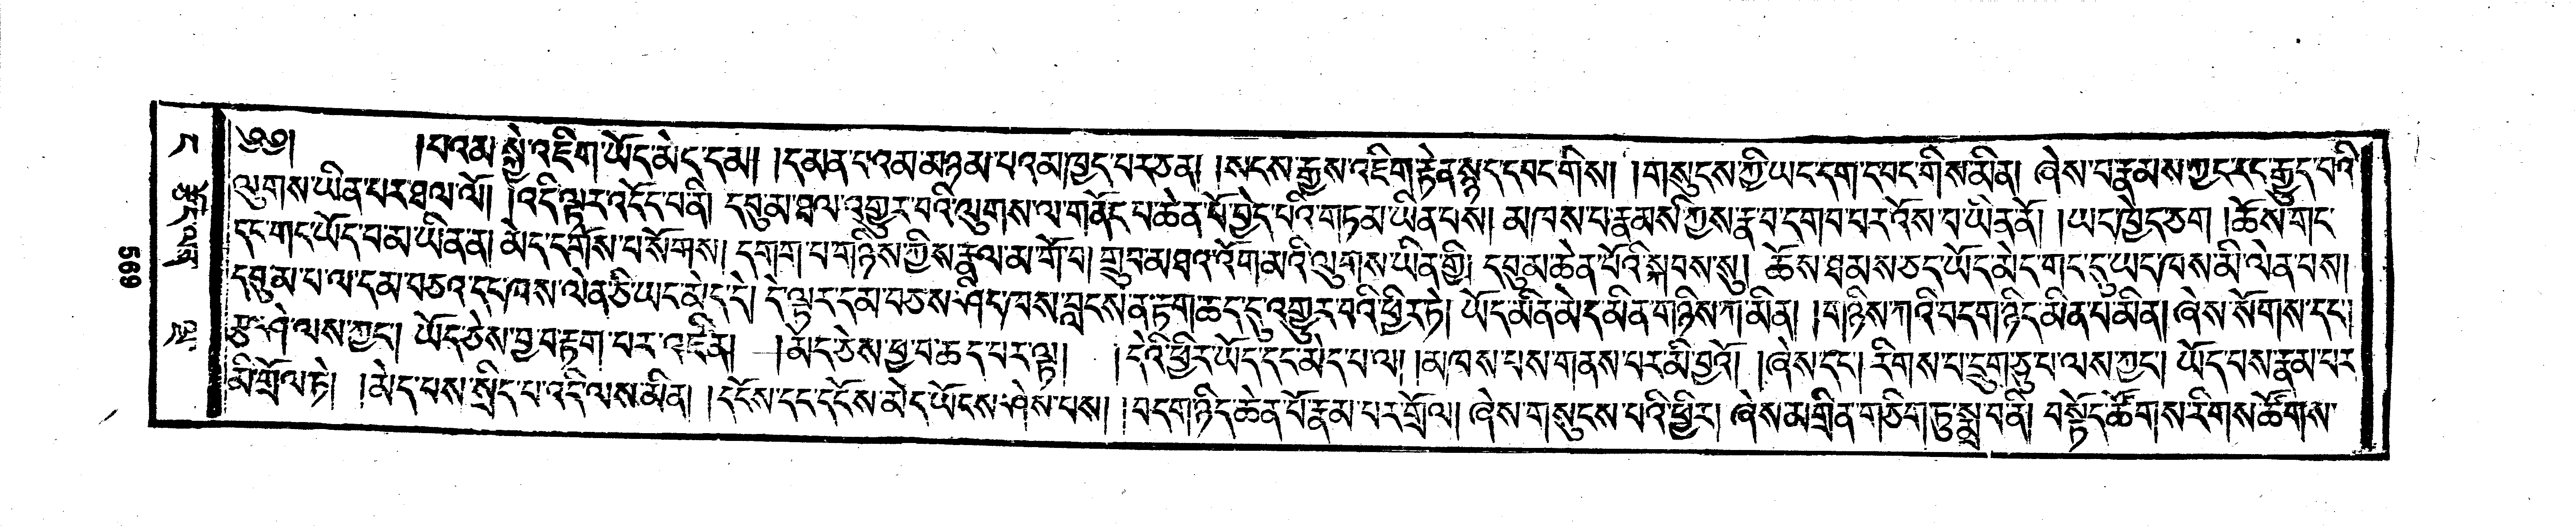༄༅། །པའམ་སྐྱེ་འཇིག་ཡོད་མེད་དམ། །དམན་པའམ་མཉམ་པའམ་ཁྱད་པར་ཅན། །སངས་རྒྱས་འཇིག་རྟེན་སྙེད་དབང་གིས། །གསུངས་ཀྱི་ཡང་དག་དབང་གིས་མིན། ཞེས་པ་རྣམས་ཀྱང་རང་རྒྱུད་པའི་
ལུགས་ཡིན་པར་ཐལ་ལོ། །འདི་ལྟར་འདོད་པ་ནི། དབུ་མ་ཐལ་འགྱུར་བའི་ལུགས་ལ་གནོད་པ་ཆེན་པོ་བྱེད་པའི་གཏམ་ཡིན་པས། མཁས་པ་རྣམས་ཀྱིས་རྣ་བ་དགབ་པར་འོས་པ་ཡིན་ནོ། །ཡང་ཁྱེད་ཅག །ཆོས་གང་
དང་གང་ཡོད་པ་མ་ཡིན་ན། མེད་དགོས་པ་སོགས། དགག་པ་གཉིས་ཀྱིས་རྣལ་མ་གོ་བ། གྲུབ་མཐའ་འོག་མའི་ལུགས་ཡིན་གྱི། དབུ་མ་ཆེན་པོའི་སྐབས་སུ། ཆོས་ཐམས་ཅད་ཡོད་མེད་གང་དུ་ཡང་ཁས་མི་ལེན་པས།
དབུ་མ་པ་ལ་དམ་བཅའ་དང་ཁས་ལེན་ཅི་ཡང་མེད་དེ། དེ་ལྟར་དམ་བཅས་ཤིང་ཁས་བླངས་ན་རྟག་ཆད་དུ་འགྱུར་བའི་ཕྱིར་ཏེ། ཡོད་མིན་མེད་མིན་གཉིས་ཀ་མིན། །གཉིས་ཀའི་བདག་ཉིད་མིན་པ་མིན། ཞེས་སོགས་དང་།
རྩ་ཤེ་ལས་ཀྱང་། ཡོད་ཅེས་བྱ་བ་རྟག་པར་འཛིན། །མེད་ཅེས་བྱ་བ་ཆད་པར་ལྟ། །དེའི་ཕྱིར་ཡོད་དང་མེད་པ་ལ། །མཁས་པས་གནས་པར་མི་བྱའོ། །ཞེས་དང་། རིགས་པ་དྲུག་ཅུ་པ་ལས་ཀྱང་། ཡོད་པས་རྣམ་པར་
མི་གྲོལ་ཏེ། །མེད་པས་སྲིད་པ་འདི་ལས་མིན། །དངོས་དང་དངོས་མེད་ཡོངས་ཤེས་པས། །བདག་ཉིད་ཆེན་པོ་རྣམ་པར་གྲོལ། ཞེས་གསུངས་པའི་ཕྱིར། ཞེས་མགྲིན་གཅིག་ཏུ་སྨྲ་བ་ནི། བསྟོད་ཚོགས་རིགས་ཚོགས་